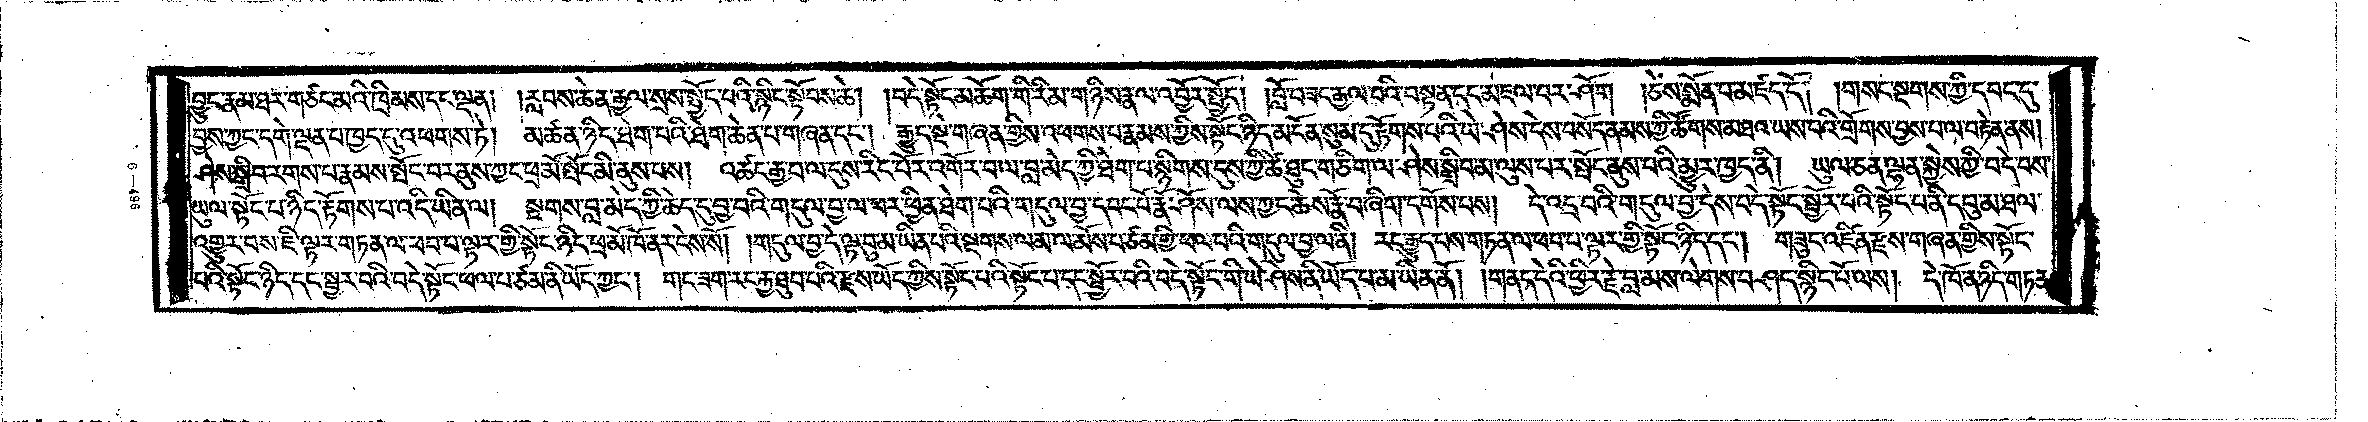བྱུང་རྣམ་ཐར་གཙང་མའི་ཁྲིམས་དང་ལྡན། །རླབས་ཆེན་རྒྱལ་སྲས་སྤྱོད་པའི་སྙིང་སྟོབས་ཆེ། །བདེ་སྟོང་མཆོག་གི་རིམ་གཉིས་རྣལ་འབྱོར་སྤྱོད། །བློ་བཟང་རྒྱལ་བའི་བསྟན་དང་མཇལ་བར་ཤོག །ཙེས་སྨོན་པ་མཛད་དོ། །གསང་སྔགས་ཀྱི་དབང་དུ་
བྱས་ཀྱང་དགེ་ལྡན་པ་ཁྱད་དུ་འཕགས་ཏེ། མཚན་ཉིད་ཐེག་པའི་ཐེག་ཆེན་པ་གཞན་དང་། རྒྱུད་སྡེ་གཞན་གྱིས་འཕགས་པ་རྣམས་ཀྱི་སྟོང་ཉིད་མངོན་སུམ་དུ་རྟོགས་པའི་ཡེ་ཤེས་དེས་བསོད་ནམས་ཀྱི་ཚོགས་མཐའ་ཡས་པའི་གྲོགས་བྱས་པ་ལ་བརྟེན་ནས།
ཤེས་སྒྲིབ་རགས་པ་རྣམས་སྤོང་བར་ནུས་ཀྱང་ཕྲ་མོ་སྤོང་མི་ནུས་པས། འཚང་རྒྱ་བ་ལ་དུས་རིང་པོར་འགོར་བ་ལ་བླ་མེད་ཀྱི་ཐེག་པ་སྙིགས་དུས་ཀྱི་ཚེ་ཐུང་གཅིག་ལ་ཤེས་སྒྲིབ་མ་ལུས་པར་སྤོང་ནུས་པའི་མྱུར་ཁྱད་ནི།
ཡུལ་ཅན་ལྷན་སྐྱེས་ཀྱི་བདེ་བས་ཡུལ་སྟོང་པ་ཉིད་རྟོགས་པ་འདི་ཡིན་ལ། སྔགས་བླ་མེད་ཀྱི་ཆེད་དུ་བྱ་བའི་གདུལ་བྱ་ལ་ཕར་ཕྱིན་ཐེག་པའི་གདུལ་བྱ་དབང་པོ་རྣོ་ཤོས་ལས་ཀྱང་ཆེས་རྣོ་བ་ཞིག་དགོས་པས། དེ་འདྲ་བའི་གདུལ་བྱ་དེས་བདེ་སྟོང་སྦྱོར་བའི་སྟོང་པ་ནི་དབུ་མ་ཐལ་
འགྱུར་བས་ཇི་ལྟར་གཏན་ལ་ཕབ་པ་ལྟར་གྱི་སྟོང་ཉིད་ཕྲ་མོ་ཁོ་ནར་ངེས་སོ། །གདུལ་བྱ་དེ་ལྟ་བུ་མ་ཡིན་པའི་སྔགས་ལམ་ལ་མོས་པ་ཙམ་གྱི་ཕལ་བའི་གདུལ་བྱ་ལ་ནི། རང་རྒྱུད་པས་གཏན་ལ་ཕབ་པ་ལྟར་གྱི་སྟོང་ཉིད་དང་། གཟུང་འཛིན་རྫས་གཞན་གྱིས་སྟོང་
པའི་སྟོང་ཉིད་དང་སྦྱར་བའི་བདེ་སྟོང་ཕལ་པ་ཙམ་ནི་ཡོད་ཀྱང་། གང་ཟག་རང་རྐྱ་ཐུབ་པའི་རྫས་ཡོད་ཀྱིས་སྟོང་པའི་སྟོང་པ་དང་སྦྱོར་བའི་བདེ་སྟོང་གི་ཡེ་ཤེས་ནི་ཡོད་པ་མ་ཡིན་ནོ། །གནད་དེའི་ཕྱིར་རྗེ་བླ་མས་ལེགས་བཤད་སྙིང་པོ་ལས། དེ་ཁོ་ན་ཉིད་གཏན་